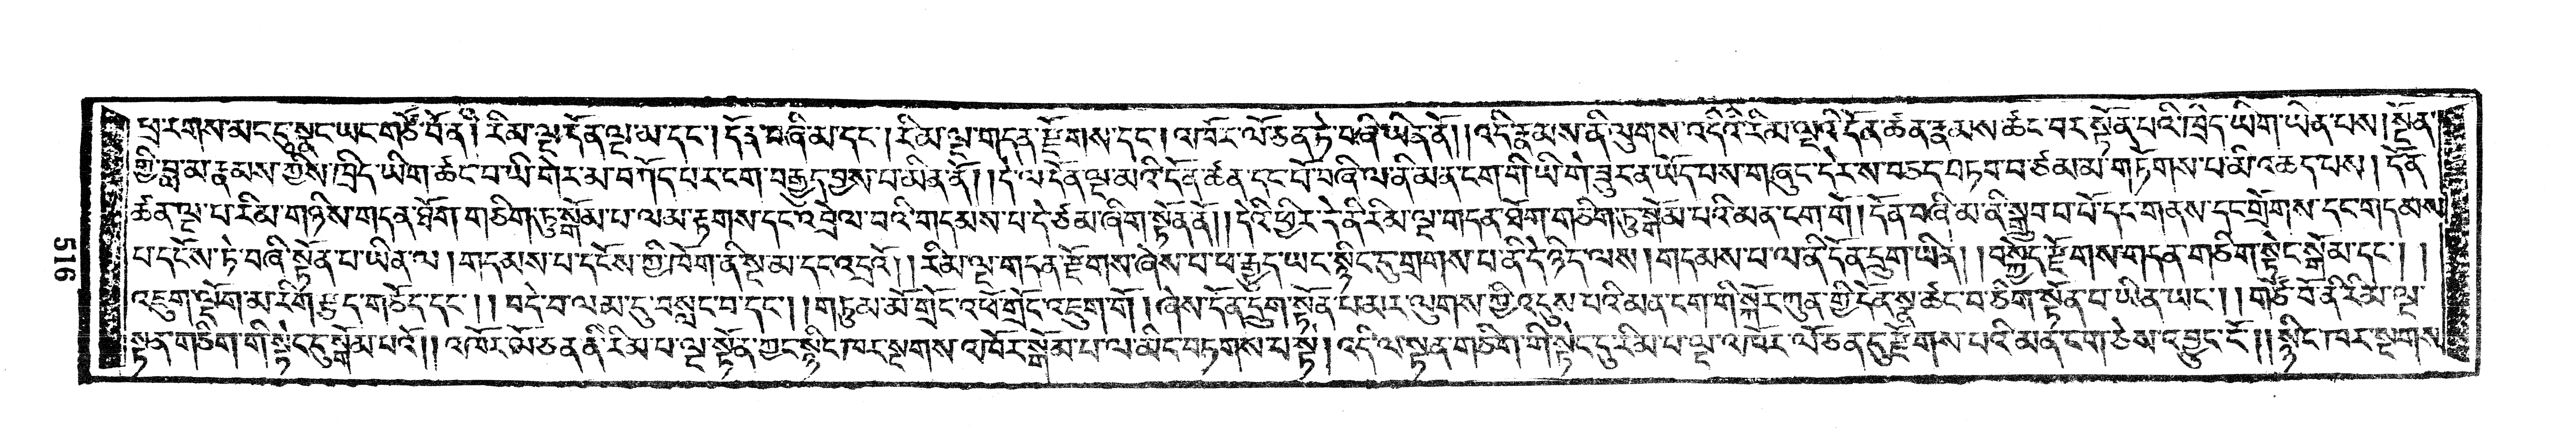ཕྲ་རགས་མང་དུ་སྣང་ཡང་གཙོ་བོ་ནི། རིམ་ལྔ་དོན་ལྔ་མ་དང་། དོན་བཞི་མ་དང་། རིམ་ལྔ་གདན་རྫོགས་དང་། འཁོར་ལོ་ཅན་ཏེ་བཞི་ཡིན་ནོ། །འདི་རྣམས་ནི་ལུགས་འདིའི་རིམ་ལྔའི་དོན་ཚན་རྣམས་ཚང་བར་སྟོན་པའི་ཁྲིད་ཡིག་ཡིན་པས། སྔོན་
གྱི་བླ་མ་རྣམས་ཀྱིས་ཁྲིད་ཡིག་ཚང་བ་ཡི་གེར་མ་བཀོད་པར་ངག་བརྒྱུད་བྱས་པ་མིན་ནོ། །དེ་ལ་དོན་ལྔ་མའི་དོན་ཚན་དང་པོ་བཞི་ལ་ནི་མན་ངག་གི་ཡི་གེ་ཟུར་ན་ཡོད་པས་གཞུང་དེར་ས་བཅད་བཏབ་པ་ཙམ་མ་གཏོགས་པ་མི་འཆད་པས། དོན་
ཚན་ལྔ་པ་རིམ་གཉིས་གདན་ཐོག་གཅིག་ཏུ་སྒོམ་པ་ལམ་རྟགས་དང་འབྲེལ་བའི་གདམས་པ་དེ་ཙམ་ཞིག་སྟོན་ནོ། །དེའི་ཕྱིར་དེ་ནི་རིམ་ལྔ་གདན་ཐོག་གཅིག་ཏུ་སྒོམ་པའི་མན་ངག་གོ །དོན་བཞི་མ་ནི་སྒྲུབ་པ་པོ་དང་གནས་དང་གྲོགས་དང་གདམས་
པ་དངོས་ཏེ་བཞི་སྟོན་པ་ཡིན་ལ། གདམས་པ་དངོས་ཀྱི་ཁོག་ནི་སྔ་མ་དང་འདྲའོ། །རིམ་ལྔ་གདན་རྫོགས་ཞེས་པ་ཕ་རྒྱུད་ཡང་སྙིང་དུ་གྲགས་པ་ནི་དེ་ཉིད་ལས། གདམས་པ་ལ་ནི་དོན་དྲུག་ཡིན། །བསྐྱེད་རྫོགས་གདན་གཅིག་སྟེང་སྒོམ་དང་། །
འཇུག་ལྡོག་མ་རིག་རྩད་གཅོད་དང་། །བདེ་བ་ལམ་དུ་བསླང་བ་དང་། །གཏུམ་མོ་གྲོང་འཕོ་གྲོང་འཇུག་གོ །ཞེས་དོན་དྲུག་སྟོན་པ་མར་ལུགས་ཀྱི་འདུས་པའི་མན་ངག་གི་སྐོར་ཀུན་གྱི་དོན་སྣ་ཚང་བ་ཅིག་སྟོན་པ་ཡིན་ཡང་། །གཙོ་བོ་ནི་རིམ་ལྔ་
སྟན་གཅིག་གི་སྟེང་དུ་སྒོམ་པའོ། །འཁོར་ལོ་ཅན་ནི་རིམ་པ་ལྔ་སྟོན་ཀྱང་སྙིང་ཁར་སྔགས་འཁོར་སྒོམ་པ་ལ་མིང་བཏགས་པ་སྟེ། འདི་ལ་སྟན་གཅིག་གི་སྟེང་དུ་རིམ་པ་ལྔ་འཁོར་ལོ་ཅན་དུ་རྫོགས་པའི་མན་ངག་ཅེས་འབྱུང་ངོ། །སྙིང་ཁར་སྔགས་